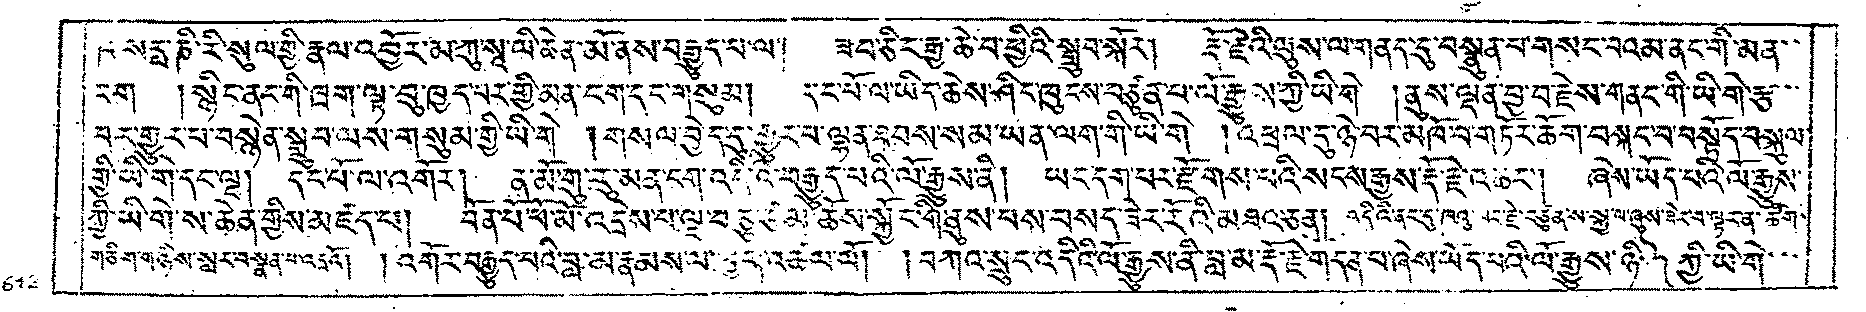ཁ་སརྤ་ཎི་རི་སུལ་གྱི་རྣལ་འབྱོར་མ་ཀུ་སཱ་ལི་ཆེན་མོ་ནས་བརྒྱུད་པ་ལ། ཟབ་ཅིང་རྒྱ་ཆེ་བ་ཕྱིའི་སྒྲུབ་སྐོར། རྡོ་རྗེའི་ལུས་ལ་གནད་དུ་བསྣུན་པ་གསང་བའམ་ནང་གི་མན་
ངག །སྙིང་ནང་གི་ཁྲག་ལྟ་བུ་ཁྱད་པར་གྱི་མན་ངག་དང་གསུམ། དང་པོ་ལ་ཡིད་ཆེས་ཤིང་ཁུངས་བཙུན་པ་ལོ་རྒྱུས་ཀྱི་ཡི་གེ །ནུས་ལྡན་བྱ་བ་རྗེས་གནང་གི་ཡི་གེ་རྩ་
བར་གྱུར་པ་བསྙེན་སྒྲུབ་ལས་གསུམ་གྱི་ཡི་གེ །གསལ་བྱེད་དུ་གྱུར་པ་ལྷན་ཐབས་སམ་ཡན་ལག་གི་ཡི་གེ །འཕྲལ་དུ་ཉེ་བར་མཁོ་བ་གཏོར་ཆོག་བསྐང་བ་བསྟོད་བསྐུལ་
གྱི་ཡི་གེ་དང་ལྔ། དང་པོ་ལ་འགོར། ན་མོ་གུ་རུ་མན་ངག་འདིའི་བརྒྱུད་པའི་ལོ་རྒྱུས་ནི། ཡང་དག་པར་རྫོགས་པའི་སངས་རྒྱས་རྡོ་རྗེ་འཆང་། ཞེས་ཡོད་པའི་ལོ་རྒྱུས་
ཀྱི་ཡི་གེ་ས་ཆེན་གྱིས་མཛད་པ། བོན་པོ་ཕོ་མོ་འདྲེས་པ་ལྔ་བཅུ་ཙམ་ཆོས་སྐྱོང་གི་ནུས་པས་བསད་ཟེར་རོའི་མཐའ་ཅན། འདིའི་ནང་དུ་ཁའུ་པར་རྗེ་བཙུན་ས་སྐྱ་ལ་ཞུས་ཟེར་བ་ལྟར་ན་ཚིག་
གཅིག་གཉིས་སླར་བསྣན་པ་འདྲའོ། །འགོར་བརྒྱུད་པའི་བླ་མ་རྣམས་ལ་ཕྱག་འཚལ་ལོ། །བཀའ་སྲུང་འདིའི་ལོ་རྒྱུས་ནི་བླ་མ་རྡོ་རྗེ་གདན་པ་ཞེས་ཡོད་པའི་ལོ་རྒྱུས་ཉ྄ི་ཀྱི་ཡི་གེ་